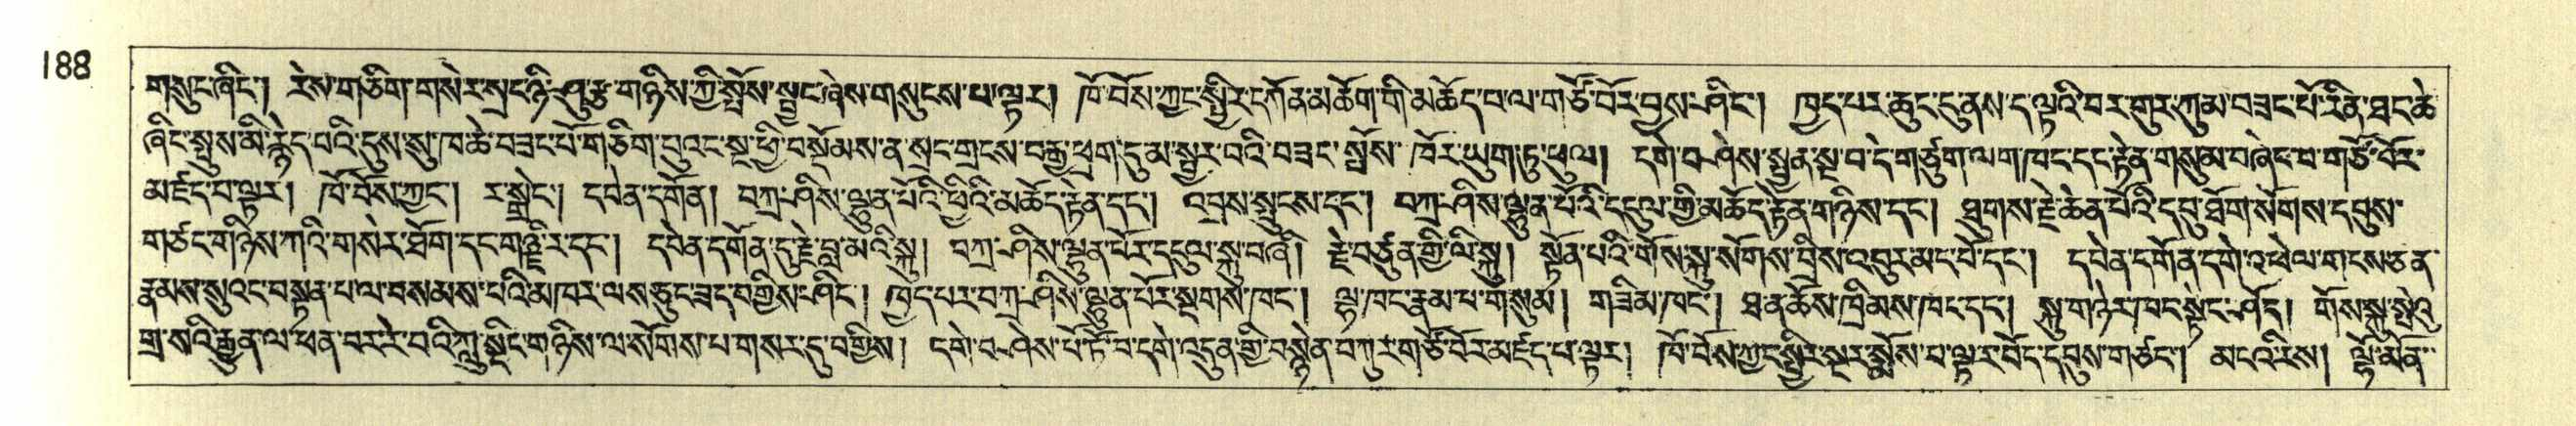གསུང་ཞིང་། རེས་གཅིག་གསེར་སྲང་ཉི་ཤུ་རྩ་གཉིས་ཀྱི་སྤོས་སྦྱངས་ཞེས་གསུངས་པ་ལྟར། ཁོ་བོས་ཀྱང་སྤྱིར་དཀོན་མཆོག་གི་མཆོད་པ་ལ་གཙོ་བོར་བྱས་ཤིང་། ཁྱད་པར་ཆུང་དུ་ནས་ད་ལྟའི་བར་གུར་ཀུམ་བཟང་པོ་རིན་ཐང་ཆེ་
ཞིང་སྤུས་མི་རྙེད་པའི་དུས་སུ་ཁ་ཆེ་བཟང་པོ་གཅིག་བུའང་སྔ་ཕྱི་བསྡོམས་ན་སྲང་གྲངས་བརྒྱ་ཕྲག་དུ་མ་སྦྱར་བའི་བཟང་སྦོས་ཁོར་ཡུག་ཏུ་ཕུལ། དགེ་བཤེས་སྤྱན་སྔ་བ་དེ་གཙུག་ལག་ཁང་དང་རྟེན་གསུམ་བཞེང་བ་གཙོ་བོར་
མཛད་པ་ལྟར། ཁོ་བོས་ཀྱང་། ར་སྒྲེང་། དབེན་དགོན། བཀྲ་ཤི་ལྷུན་པོའི་ཕྱིའི་མཆོད་རྟེན་དང་། འབྲས་སྤུངས་དང་། བཀྲ་ཤིས་ལྷུན་པོའི་དངུལ་གྱི་མཆོད་རྟེན་གཉིས་དང་། ཐུགས་རྗེ་ཆེན་པོའི་དབུ་ཐོག་སོགས་དབུས་
གཙང་གཉིས་ཀའི་གསེར་ཐོག་དང་གཉྗི་ར་དང་། དབེན་དགོན་དུ་རྗེ་བླ་མའི་སྐུ། བཀྲ་ཤིས་ལྷུན་པོར་དངུལ་སྐུ་བཞི། རྗེ་བཙུན་གྱི་ལི་སྐུ། སྟོན་པའི་གོས་སྐུ་སོགས་བྲིས་འབུར་མང་པོ་དང་། དབེན་དགོན་དགེ་འཕེལ་གངས་ཅན་
རྣམས་སུའང་བསྟན་པ་ལ་བསམས་པའི་མཁར་ལས་ཅུང་ཟད་བགྱིས་ཤིང་། ཁྱད་པར་བཀྲ་ཤིས་ལྷུན་པོར་སྔགས་ཁང་། ལྷ་ཁང་རྣམ་པ་གསུམ། གཟིམ་ཁང་། ཐ་ན་ཆོས་ཁྲིམས་ཁང་དང་། སྐུ་གཉེར་ཁང་སྟེང་ཤོད། གོས་སྐུ་སྤེའུ་
གྲ་སའི་རྒྱུན་ལ་ཕན་བར་རེ་བའི་ཀླུ་སྡིང་གཉིས་ལ་སོགས་པ་གསར་དུ་བགྱིས། དགེ་བཤེས་པོ་ཏོ་བ་དགེ་འདུན་གྱི་བསྙེན་བཀུར་གཙོ་བོར་མཛད་པ་ལྟར། ཁོ་བོས་ཀྱང་སྤྱིར་སྔར་སྨོས་པ་ལྟར་བོད་དབུས་གཙང་། མངའ་རིས། ལྷོ་མོན་